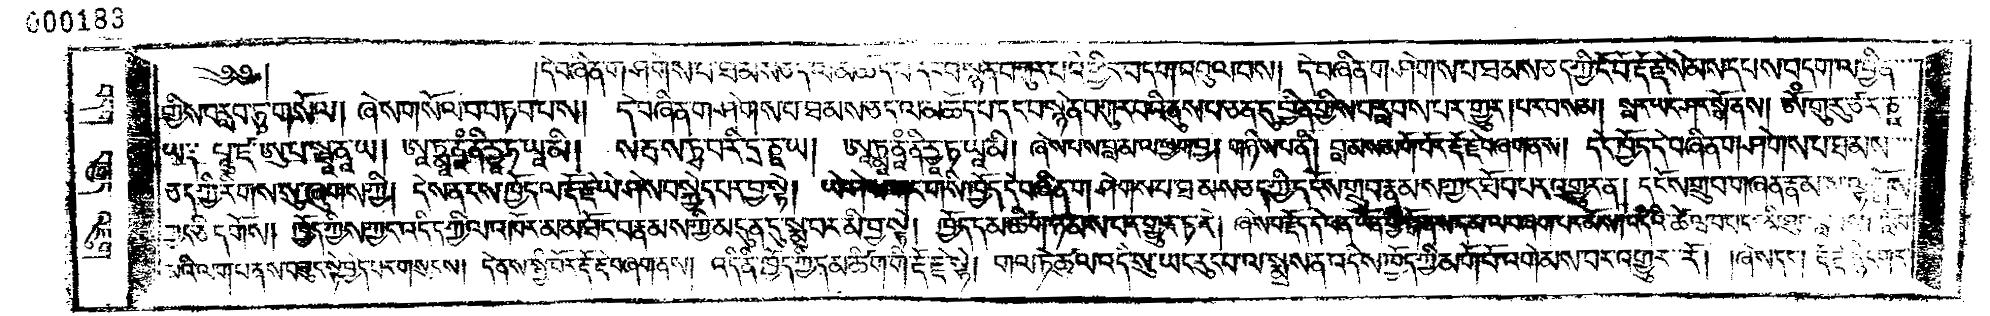༄༅། །དེ་བཞིན་གཤེགས་པ་ཐམས་ཅད་ལ་མཆོད་པ་དང་བསྙེན་བཀུར་པའི་ཕྱིར་བདག་འབུལ་བས། དེ་བཞིན་གཤེགས་པ་ཐམས་ཅད་ཀྱི་ངོ་བོ་རྡོ་རྗེ་སེམས་དཔས་བདག་ལ་བྱིན་
གྱིས་བརླབ་ཏུ་གསོལ། ཞེས་གསོལ་བ་བཏབ་པས། དེ་བཞིན་གཤེགས་པ་ཐམས་ཅད་ལ་མཆོད་པ་དང་བསྙེན་བཀུར་བའི་ནུས་པ་ཅན་དུ་བྱིན་གྱིས་བརླབས་པར་གྱུར། པར་བསམ། སླར་ཡང་ཤར་སྒོ་ནས། ཨོཾ་གུ་རུ་ཙ་ར་ཎཱ་
ཡ༑ པཱུ་ཛ་ཨུ་པ་སྠཱ་ནཱ་ཡ། ཨཱ་ཏྨཱ་ནཱཾ་ནི་རྱཱ་ཏ་ཡཱ་མི། སརྦ་ས་ཏྭ་བ་རི་དྲ་ཎཱ་ཡ། ཨཱ་ཏྨཱ་ནཱཾ་ནི་རྱཱ་ཏ་ཡཱ་མི། ཞེས་པས་བླ་མ་ལ་ཕྱག་བྱ། གཉིས་པ་ནི། བླ་མས་མགོ་བོར་རྡོ་རྗེ་བཞག་ནས།  དེང་ཁྱོད་དེ་བཞིན་གཤེགས་པ་ཐམས་
ཅད་ཀྱི་རིགས་སུ་ཞུགས་ཀྱི། དེས་ན་ངས་ཁྱོད་ལ་རྡོ་རྗེ་ཡེ་ཤེས་བསྐྱེད་པར་བྱ་སྟེ། ཡེ་ཤེས་གང་གིས་ཁྱོད་དེ་བཞིན་གཤེགས་པ་ཐམས་ཅད་ཀྱི་དངོས་གྲུབ་རྣམས་ཀྱང་ཐོབ་པར་འགྱུར་ན། དངོས་གྲུབ་གཞན་རྣམས་ལྟ་སྨོས་
ཀྱང་ཅི་དགོས། ཁྱོད་ཀྱིས་ཀྱང་འདི་དཀྱིལ་འཁོར་མ་མཐོང་བ་རྣམས་ཀྱི་མདུན་དུ་སྨྲ་བར་མི་བྱ་སྟེ། ཁྱོད་དམ་ཚིག་ཉམས་པར་གྱུར་ཏ་རེ། ཞེས་བརྗོད་དེ་ཕན་ཡོན་གྱི་སྒོ་ནས་དམ་ལ་བཞག་པར་མོས། འདིའི་ཚེ་ཝ་བ་པ་དང་མི་ཐུབ་ཟླ་བས། སློབ་
མའི་ལག་པ་ནས་བཟུང་སྟེ་བྱེད་པར་གསུངས། དེ་ནས་སྤྱི་བོར་རྡོ་རྗེ་བཞག་ནས། འདི་ནི་ཁྱོད་ཀྱི་དམ་ཚིག་གི་རྡོ་རྗེ་སྟེ། གལ་ཏེ་ཚུལ་འདི་སུ་ཡང་རུང་བ་ལ་སྨྲས་ན་འདིས་ཁྱོད་ཀྱི་མགོ་བོ་འགེམས་བར་འགྱུར་རོ། །ཞེས་དང་། རྡོ་རྗེ་སྙིང་གར་